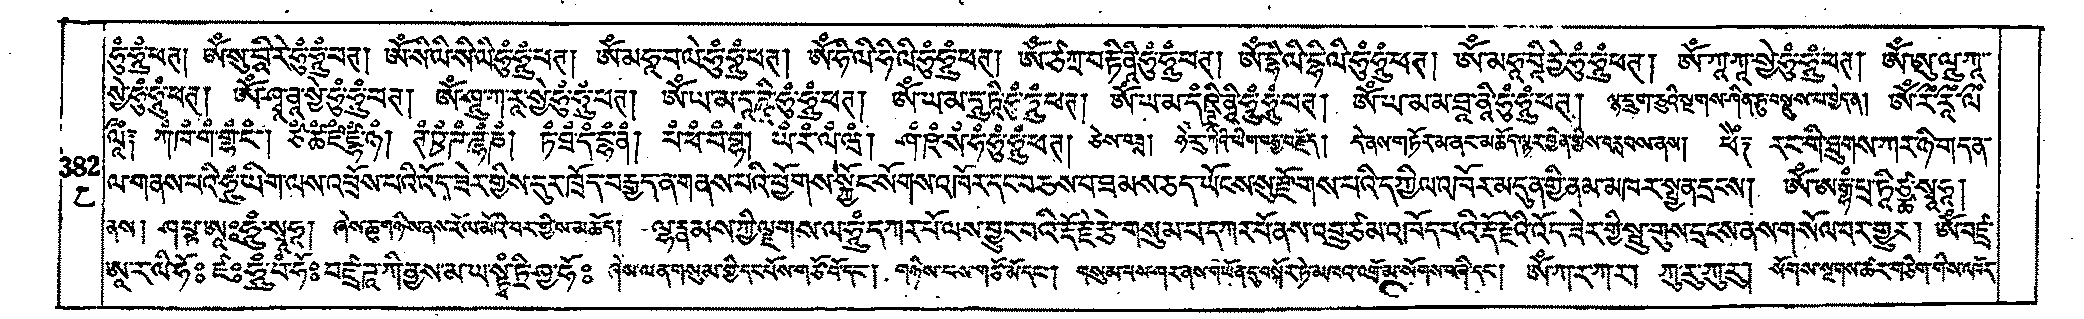ཧུཾ་ཧཱུཾ་ཕཊ། ཨོཾ་སུ་བཱི་རེ་ཧུཾ་ཧཱུཾ་ཕཊ། ཨོཾ་སི་ལི་སི་ལི་ཧུཾ་ཧཱུཾ་ཕཊ། ཨོཾ་མྷཱ་བ་ལེ་ཧུཾ་ཧཱུཾ་ཕཊ། ཨོཾ་ཧི་ལི་ཧི་ལི་ཧུཾ་ཧཱུཾ་ཕཊ། ཨོཾ་ཙཀྲ་བརྟི་ནི་ཧུཾ་ཧཱུཾ་ཕཊ། ཨོཾ་དྷི་ལི་དྷི་ལི་ཧུཾ་ཧཱུཾ་ཕཊ། ཨོཾ་མྷཱ་བཱི་རྱེ་ཧུཾ་ཧཱུཾ་ཕཊ། ཨོཾ་ཀཱ་ཀཱ་སྱེ་ཧུཾ་ཧཱུཾ་ཕཊ། ཨོཾ་ཨུ་ལཱུ་ཀཱ་་་
སྱེ་ཧུཾ་ཧཱུཾ་ཕཊ། ཨོཾ་ཥཱུ་ཀ་རཱ་སྱེ་ཧུཾ་ཧཱུཾ་ཕཊ། ཨོཾ་ཡ་མ་དཱ་དྷི་ཧུཾ་ཧཱུཾ་ཕཊ། ཨོཾ་ཡ་མ་དཱུ་ཏཱི་ཧུཾ་ཕཊ། ཨོཾ་ཡ་མ་དཾཥྚཱི་ནཱི་ཧཱུཾ་ཕཊ། ཨོཾ་ཡ་མ་མ་ཐཱ་ནཱི་ཧུཾ་ཧཱུཾ་ཕཊ། ལྷ་དྲུག་ཅུའི་སྔགས་ཤིན་ཏུ་བསྡུས་པ་བྱེད་ན། ཨོཾ་རྀཾ་རཱྀཾ་ལྀཾ་
ལཱྀཾ། ཀཾ་ཁཾ་གཾ་གྷཾ་ངཾ། ཙཾ་ཚཾ་ཛཾ་ཛྷཾ་ཉཾ། ཊཾ་ཊཿཨཾ་ཌཾ་ཌྷཾ་ཎཾ། ཏཾ་ཐཾ་དཾ་དྷཾ་ནཾ། པཾ་ཕཾ་བཾ་བྷཾ། ཡཾ་རཾ་ལཾ་ཝཾ། ཤཾ་ཥཾ་སཾ་ཧཾ་ཧུཾ་ཧཱུཾ་ཕཊ། ཅེས་བཟླ། ཧེ་རུ་ཀིའི་ཡིག་བརྒྱ་བརྗོད། དེ་ནས་གཏོར་མ་ནང་མཆོད་ལྟར་བྱིན་གྱིས་བརླབས་ནས།  ཕཻཾ༑ རང་གི་ཐུགས་ཀར་ཉི་གདན་་་
ལ་གནས་པའི་ཧཱུཾ་ཡིག་ལས་འཕྲོས་པའི་འོད་ཟེར་གྱིས་དུར་ཁྲོད་བརྒྱད་ན་གནས་པའི་ཕྱོགས་སྐྱོང་སོགས་འཁོར་དང་བཅས་པ་ཐམས་ཅད་ཡོངས་སུ་རྫོགས་པའི་དཀྱིལ་འཁོར་མདུན་གྱི་ནམ་མཁར་སྤྱན་དྲངས། ཨོཾ་ཨརྒྷཾ་པྲ་ཏཱིཙྪ་སྭཱཧཱ།
ནས།  ཤཔྟ་ཨཱཿཧཱུཾ་སྭཱཧཱ། ཞེས་ཆུ་གཉིས་ནས་རོལ་མོའི་བར་གྱིས་མཆོད།  ལྷ་རྣམས་ཀྱི་ལྗགས་ལ་ཧཱུཾ་དཀར་པོ་ལས་བྱུང་བའི་རྡོ་རྗེ་རྩེ་གསུམ་པ་དཀར་པོ་ནས་འབྲུ་ཙམ་འཁོད་པའི་རྡོ་རྗེའི་འོད་ཟེར་གྱི་སྦུ་གུས་དྲངས་ནས་གསོལ་བར་གྱུར། ཨོཾ་བཛྲ་
ཨཱ་ར་ལི་ཧོཿཛཿཧཱུཾ་བཾ་ཧོཿབཛྲ་ཌཱ་ཀི་ནྱ་ས་མ་ཡ་སྟྭཾ་ཏྲི་ཤྱ་ཧོཿ ཞེས་ལན་གསུམ་གྱི་དང་པོས་གཙོ་བོ་དང་། གཉིས་པས་གཙོ་མོ་དང་། གསུམ་པས་ཤར་ནས་གཡོན་དུ་བསྐོར་ཏེ་མཁའ་འགྲོ་མ་སོགས་བཞི་དང་།  ཨོཾ་ཀ་ར་ཀ་ར། ཀུ་རུ་ཀུ་རུ། སོགས་སྔགས་ཚར་གཅིག་གིས་འཁོར་